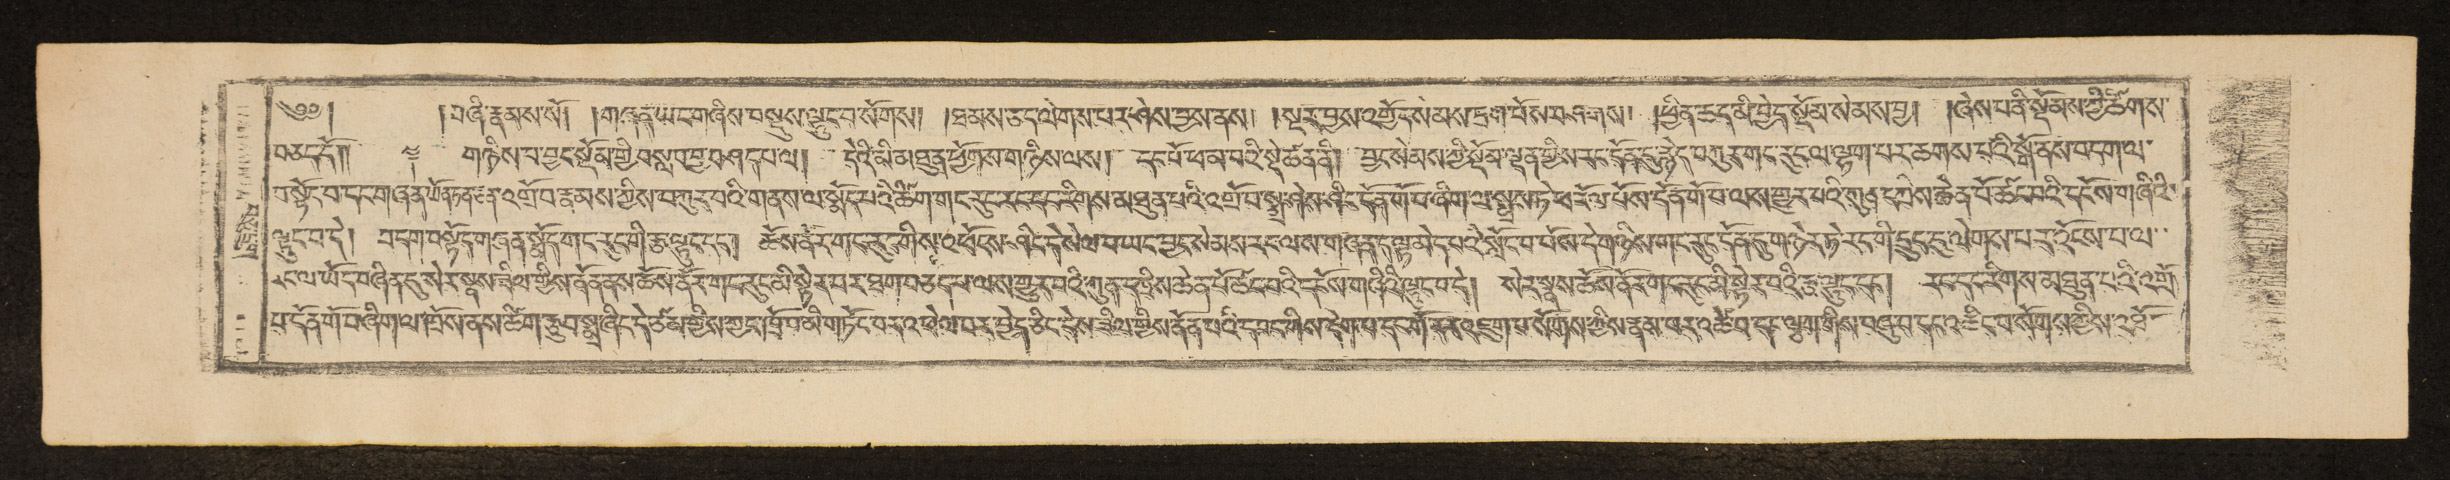༄༅། །བཞི་རྣམས་སོ། །གཞན་ཡང་གཞིས་བསྡུས་ལྟུང་བ་སོགས། །ཐམས་ཅད་ལེགས་པར་ཤེས་བྱས་ནས། །སྔར་བྱས་འགྱོང་སེམས་དྲག་པོས་བཤགས། །ཕྱིན་ཆད་མི་བྱེད་སྡོམ་སེམས་བྱ། །ཞེས་པ་ནི་སྡོམས་ཀྱི་ཚིགས་
བཅད་དོ།། ༈ །གཉིས་པ་བྱང་སྡོམ་གྱི་བསླབ་བྱ་བཤད་པ་ལ། །དེའི་མི་མཐུན་ཕྱོགས་གཉིས་ལས། དང་པོ་ཕམ་པའི་སྡེ་ཚན་ནི། བྱང་སེམས་ཀྱི་སྡོམ་ལྡན་གྱིས་རང་དོན་དུ་རྙེད་བཀུར་གང་རུང་ལ་ལྷག་པར་ཆགས་པའི་སྒོ་ནས་བདག་ལ་
བསྟོད་པ་དང་གཞན་ཡོན་ཏན་ཅན་འགྲོ་བ་རྣམས་ཀྱིས་བཀུར་བའི་གནས་ལ་སྨོད་པའི་ཚིག་གང་རུང་རང་དང་རིགས་མཐུན་པའི་འགྲོ་བ་སྨྲ་ཤེས་ཤིང་དོན་གོ་བ་ཞིག་ལ་སྨྲས་ཏེ་ཕ་རོལ་པོས་དོན་གོ་པ་ལས་གྱུར་བའི་ཀུན་དཀྲིས་ཆེན་པོ་ཚང་བའི་དངོས་གཞིའི་
ལྟུང་བ་དེ། བདག་བསྟོད་གཞན་སྨོད་གང་རུང་གི་རྩ་ལྟུང་དང་། ཆོས་ནོར་གང་རུང་གིས་འཕོངས་ཤིང་དེ་སེལ་བ་ཡང་བྱང་སེམས་རང་ལས་གཞན་ད་ལྟ་མེད་པའི་སློང་པ་པོས་དེ་གཉིས་གང་རུང་དོན་དུ་གཉེར་ཏེ་རང་གི་དྲུང་དུ་ལེགས་པར་འོངས་པ་ལ་
རང་ལ་ཡོད་བཞིན་དུ་སེར་སྣས་ཟིལ་གྱིས་ནོན་ནས་ཆོས་ནོར་གང་རུང་མི་སྟེར་བར་ཐག་བཅད་པ་ལས་གྱུར་བའི་ཀུན་དཀྲིས་ཆེན་པོ་ཚང་བའི་དངོས་གཞིའི་ལྟུང་བ་དེ། སེར་སྣས་ཆོས་ནོར་གང་རུང་མི་སྟེར་བའི་རྩ་ལྟུང་དང་། རང་དང་རིགས་མཐུན་པའི་འགྲོ་
བ་དོན་གོ་བཞིག་ལ་ཁྲོས་ནས་ཚིག་རྩུབ་སྨྲ་ཞིང་དེ་ཙམ་གྱིས་ཀྱང་ཁྲོ་བ་མི་གཏོང་བར་འཕེལ་བར་བྱེད་ཅིང་དེས་ཟིལ་གྱིས་ནོན་པའི་དབང་གིས་རྡེག་པ་དང་གོ་རར་འཇུག་པ་སོགས་ཀྱིས་རྣམ་པར་འཚེ་བ་དང་ལྕག་གིས་བཞུ་བ་དང་འཆིང་བ་སོགས་ཀྱིས་འཐོ་